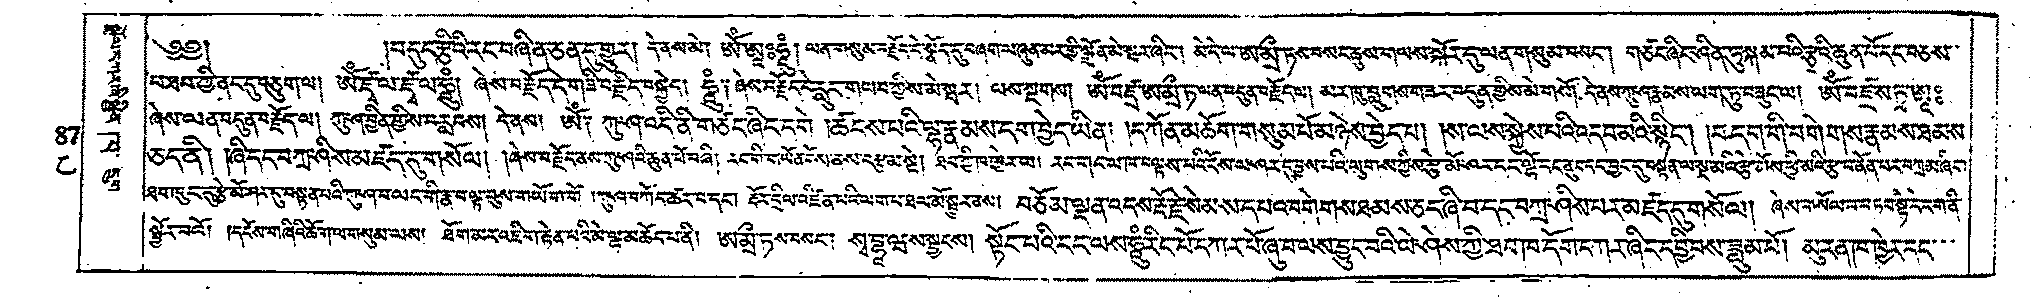༄༅། །བདུད་རྩིའི་རང་བཞིན་ཅན་དུ་གྱུར། དེ་ནས་མེ།  ཨོཾ་ཨཱཿཧཱུཾ། ལན་གསུམ་བརྗོད་དེ་སྣོད་དུ་བཞག་ལ་ཞུན་མར་གྱི་སྒྲོན་མེ་སྦར་ཞིང་། མེ་དེ་ལ་ཨམྲྀ་ཏས་བསང་ཆུས་གཡས་སྐོར་དུ་ལན་གསུམ་བསང་། གཙང་ཞིང་ཤིན་ཏུ་སྐམ་པའི་རྩྭའི་ཆུན་པོ་དང་བཅས་་་
པ་ཐབ་ཀྱི་ནང་དུ་བཅུག་ལ། ཨོཾ་ཛྭ་ལ་ཛྭ་ལ་ཧཱུཾ། ཞེས་བརྗོད་དེ་གཟི་བརྗིད་བསྐྱེད།  ཧཱུཾ༑ ཞེས་བརྗོད་དེ་རླུང་གཡབ་ཀྱིས་མེ་སྦར། ལས་སྔགས། ཨོཾ་བཛྲ་ཨམྲྀ་ཏ་ལན་བདུན་བརྗོད་ལ། མར་ཁུ་བླུགས་གཟར་བའི་བདུན་གྱིས་མེ་གསོ། དེ་ནས་ཀུ་ཤ་རྣམས་ལག་ཏུ་བཟུང་ལ། ཨོཾ་བཛྲ་སཏྭ་ཨཱཿ
ཞེས་ལན་བདུན་བརྗོད་ལ། ཀུ་ཤ་བྱིན་གྱི་བརླབས། དེ་ནས།  ཨོཾ༑ ཀུ་ཤ་འདི་ནི་གཙང་ཞིང་དགེ །ཚངས་པའི་ལྷ་རྣམས་དག་བྱེད་ཡིན། །དཀོན་མཆོག་གསུམ་པོ་མཉེས་བྱེད་པ། །ས་ལས་སྐྱེས་པའི་འདབ་མའི་སྙིང་། །བདག་གི་བགེགས་རྣམས་ཐམས་
ཅད་ནི། །ཞི་དང་བཀྲ་ཤིས་མཛད་དུ་གསོལ། །ཞེས་བརྗོད་ནས་ཀུ་ཤའི་ཆུན་པོ་བཞི། རང་གི་གཡོན་དོས་ནས་བརྩམ་སྟེ། ཐབ་ཀྱི་ཁ་ཁྱེར་ལ། རང་གང་ལ་ཁ་བལྟས་པའི་ངོས་ལ་ཤར་དུ་བྱས་པའི་ལུགས་ཀྱིས་རྩེ་མོ་ཤར་དང་ལྷོ་དང་ནུབ་དང་བྱང་དུ་བསྟན་ལ་སྔ་མའི་རྩེ་མོས་ཕྱི་མའི་རྩ་བ་ནོན་པར་བཀྲམ་ཞིང་།
ཐབ་ཁུང་དུ་རྩེ་མོ་ཤར་དུ་བསྟན་པའི་ཀུ་ཤ་བ་ལང་གི་རྣ་བ་ལྟ་བུས་གཡོག་གོ །ཀུ་ཤ་བཀོད་ཚར་བ་དང་། རྡོར་དྲིལ་འཛིན་པའི་ལག་པ་ཐལ་མོ་སྦྱར་ནས། བཅོམ་ལྡན་འདས་རྡོ་རྗེ་སེམས་དཔའ་བགེགས་ཐམས་ཅད་ཞི་བ་དང་བཀྲ་ཤིས་པར་མཛད་དུ་གསོལ། ཞེས་གསོལ་བ་བཏབ་སྟེ་དེ་དག་ནི་
སྦྱོར་བའོ། །དངོས་གཞིའི་ཆོ་ག་ལ་གསུམ་ལས། ཐོག་མར་འཇིག་རྟེན་པའི་མེ་ལྷ་མཆོད་པ་ནི། ཨམྲྀ་ཏས་བསང་།  སྭ་བྷཱ་ལྭས་སྦྱངས། སྟོང་པའི་ངང་ལས་ཧཱུཾ་རིང་པོ་དཀར་པོ་ཞུ་བ་ལས་བྱུང་བའི་ཡེ་ཤེས་ཀྱི་ཐབ་ཁ་དོག་དཀར་ཞིང་དབྱིབས་ཟླུམ་པོ། མུ་རན་ཁ་ཁྱེར་དང་་་